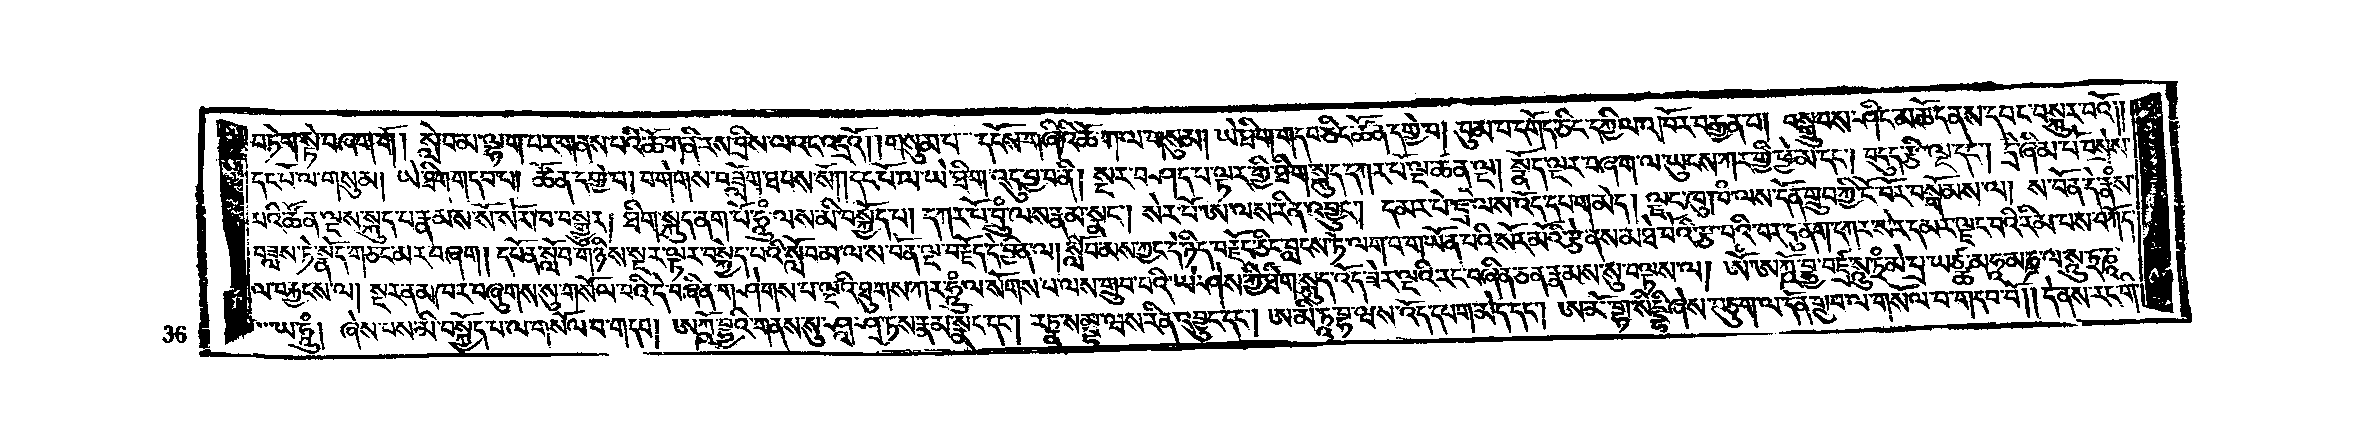བཏེག་སྟེ་བཞག་གོ །སླེབ་མ་ལྷག་པར་གནས་པའི་ཆོ་ག་ནི་རས་བྲིས་ལའང་འདྲའོ། །གསུམ་པ་དངོས་གཞིའི་ཆོ་ག་ལ་གསུམ། ཡི་ཐིག་གདབ་ཅིང་ཚོན་དགྱེ་བ། བུམ་པ་དགོད་ཅིང་དཀྱིལ་འཁོར་བརྒྱན་པ། བསྐྲུབས་ཤིང་མཆོད་ནས་དབང་བསྐུར་བའོ། །
དང་པོ་ལ་གསུམ། ཡེ་ཐིག་གདབ་པ། ཚོན་དགྱེ་བ། བགེགས་བཟློག་ཐབས་སོ། །དང་པོ་ལ་ཡེ་ཐིག་འདུ་བྱ་བ་ནི། སྔར་བཤད་པ་ལྟར་གྱི་ཐིག་སྐུད་དཀར་པོ་ལྔ་ཚན་ལྔ། སྣོད་ལྔར་བཞག་ལ་ཡུངས་ཀར་གྱི་ཕྱེ་མ་དང་། བདུད་རྩི་ལྔ་དང་། དྲི་ཞིམ་པོ་བསྲེས་
པའི་ཚོན་ལྔས་སྐུད་པ་རྣམས་སོ་སོར་ཁ་བསྒྱུར། ཐིག་སྐུད་ནག་པོ་ཧཱུཾ་ལས་མི་བསྐྱོད་པ། དཀར་པོ་བྲུཾ་ལས་རྣམ་སྣང་། སེར་པོ་ཨ་ལས་རིན་འབྱུང་། དམར་པེ་ཛྲི?་ལས་འོད་དཔག་མེད། ལྗང་ཁུ་ཁཾ་ལས་དོན་གྲུབ་ཀྱི་ངོ་བོར་བསྒོམས་ལ། ས་བོན་དེ་རྣམས་
བཟླས་ཏེ་སྣོད་གཙང་མར་བཞག །དཔོན་སློབ་གཉིས་སྔར་ལྟར་བསྐྱེད་པའི་སློབ་མ་ལ་ས་བོན་ལྔ་བརྗོད་དེ་བྱིན་ལ། སློབ་མས་ཀྱང་དེ་ཉིད་བརྗོད་ཅིང་བླངས་ཏེ་ལག་པ་གཡོན་པའི་སོར་མོའི་རྩེ་ནས་མཐེ་པོའི་རྩ་བའི་བར་དུ་ནག་དཀར་སེར་དམར་ལྗང་བའི་རིམ་པས་བཀོད་
ལ་བརྐྱངས་ལ། སྔར་ནམ་མཁར་བཞུགས་སུ་གསོལ་བའི་དེ་བཞིན་གཤེགས་པ་ལྔའི་ཐུགས་ཀར་ཧཱུཾ་ལ་སོགས་པ་ལས་གྲུབ་པའི་ཡེ་ཤེས་ཀྱི་ཐིག་སྐུད་འོད་ཟེར་ལྔའི་རང་བཞིན་ཅན་རྣམས་སུ་བལྟས་ལ། ཨོཾ་ཨཀྵོ་བྷྱ་བྫྲ་སཱུ་ཏྲཾ་མེ་པྲ་ཡཙྪ་མྷཱ་མཎཌ་ལ་སཱུ་ཏྲ་ཎཱ་
ཡ་ཧཱུཾ། ཞེས་པས་མི་བསྐྱོད་པ་ལ་གསོལ་བ་གདབ། ཨཀྵོ་བྷྱའི་གནས་སུ་ཤཱ་ཤྲ་ཏས་རྣམ་སྣང་དང་། རྟྣ་སམྦྷ་ཝས་རིན་འབྱུང་དང་། ཨ་མི་ཏཱ་བྷ་ཝས་འོད་དཔག་མེད་དང་། ཨ་མོ་གྷ་སིདྡྷི?་ཞེས་བཅུག་ལ་དོན་གྲུབ་ལ་གསོལ་བ་གདབ་བོ། །དེ་ནས་རང་གི་